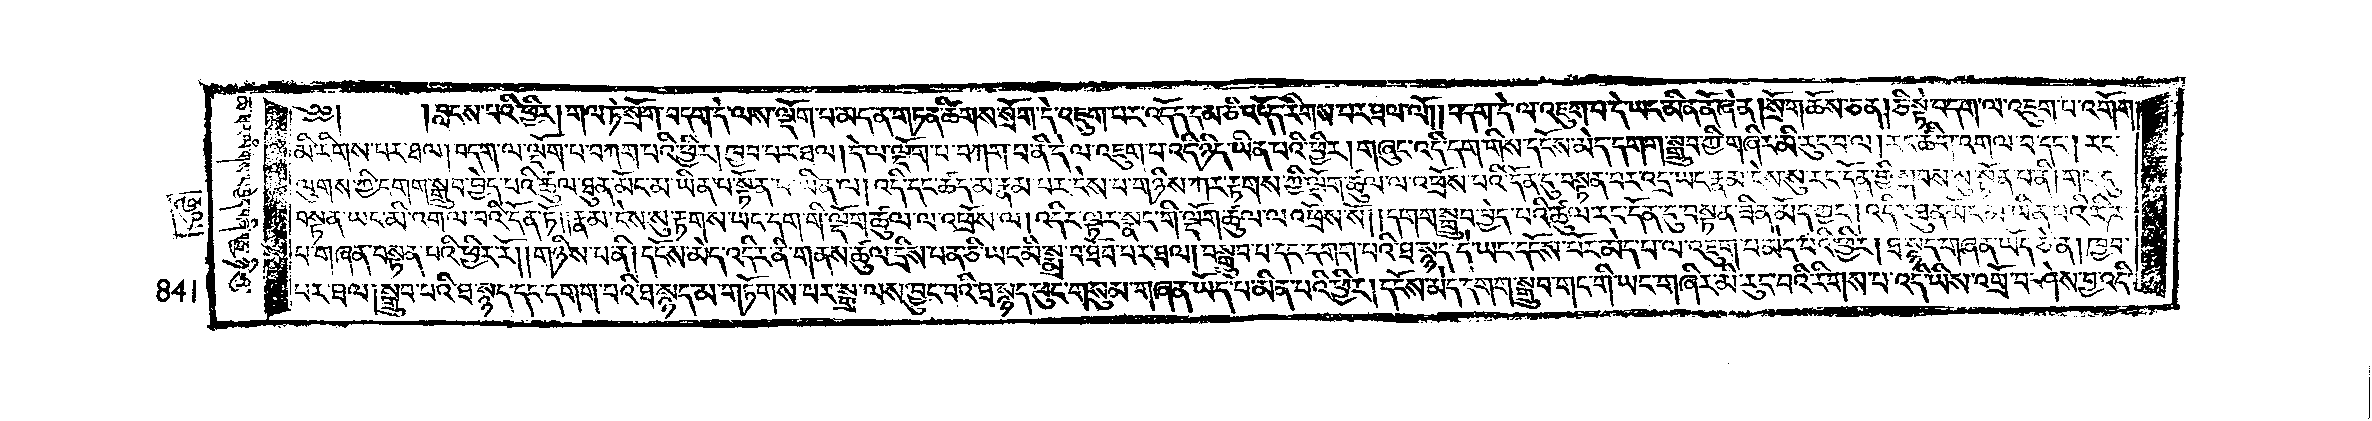༄༅། །བླངས་པའི་ཕྱིར། གལ་ཏེ་སྲོག་བདག་དེ་ལས་ལྡོག་པ་མེད་ན་གཏན་ཚིགས་སྲོག་དེ་འཇུག་པར་འདོད་དམ་ཅི་འདོད་རིགས་པར་ཐལ་ལོ། །བདག་དེ་ལ་འཇུག་པ་དེ་ཡང་མིན་ནོ་ཞེ་ན། སྲོག་ཆོས་ཅན། ཅི་སྟེ་བདག་ལ་འཇུག་པ་འགོག་
མི་རིགས་པར་ཐལ། བདག་ལ་ལྡོག་པ་བཀག་པའི་ཕྱིར། ཁྱབ་པར་ཐལ། དེ་ལ་ལྡོག་པ་བཀག་པ་ནི་དེ་ལ་འཇུག་པ་འདི་ཉིད་ཡིན་པའི་ཕྱིར། གཞུང་འདི་དག་གིས་དངོས་མེད་དགག་སྒྲུབ་ཀྱི་གཞིར་མི་རུང་བ་ལ། རང་ཚིག་འགལ་བ་དང་། རང་
ལུགས་ཀྱི་དགག་སྒྲུབ་བྱེད་པའི་ཚུལ་ཐུན་མོང་མ་ཡིན་པ་སྟོན་པ་ཡིན་ལ། འདི་དང་ཚད་མ་རྣམ་པར་ངེས་པ་གཉིས་ཀར་རྟགས་ཀྱི་ལྡོག་ཚུལ་ལ་འཕྲོས་པའི་དོན་དུ་བསྟན་པར་འདྲ་ཡང་རྣམ་ངེས་སུ་རང་དོན་གྱི་སྐབས་སུ་སྟོན་པ་ནི། གང་དུ་
བསྟན་ཡང་མི་འགལ་བའི་དོན་ཏོ། །རྣམ་ངེས་སུ་རྟགས་ཡང་དག་གི་ལྡོག་ཚུལ་ལ་འཕྲོས་ལ། འདིར་ལྟར་སྣང་གི་ལྡོག་ཚུལ་ལ་འཕྲོས་སོ། །དགག་སྒྲུབ་བྱེད་པའི་ཚུལ་རང་དོན་དུ་བསྟན་ཟིན་མོད་ཀྱང་། འདིར་ཐུན་མོང་མ་ཡིན་པའི་རིཌ་
པ་གཞན་བསྟན་པའི་ཕྱིར་རོ། །གཉིས་པ་ནི། དངོས་མེད་འདིར་ནི་གནས་ཚུལ་དྲིས་པ་ན་ཅི་ཡང་མི་སྨྲ་བ་ཐོབ་པར་ཐལ། བསྒྲུབ་པ་དང་དགག་པའི་ཐ་སྙད་དེ་ཡང་དངོས་པོར་མེད་པ་ལ་འཇུག་པ་མེད་པའི་ཕྱིར། ཐ་སྙད་གཞན་ཡོད་ཅེ་ན། ཁྱབ་
པར་ཐལ། སྒྲུབ་པའི་ཐ་སྙད་དང་དགག་པའི་ཐ་སྙད་མ་གཏོགས་པར་སྒྲ་ལས་བྱུང་བའི་ཐ་སྙད་ཕུང་གསུམ་གཞན་ཡོད་པ་མིན་པའི་ཕྱིར། དངོས་མེད་དགག་སྒྲུབ་གང་གི་ཡང་གཞིར་མི་རུང་བའི་རིགས་པ་འདི་ཡིས་འགྲོ་བ་ཤེས་བྱ་འདི་